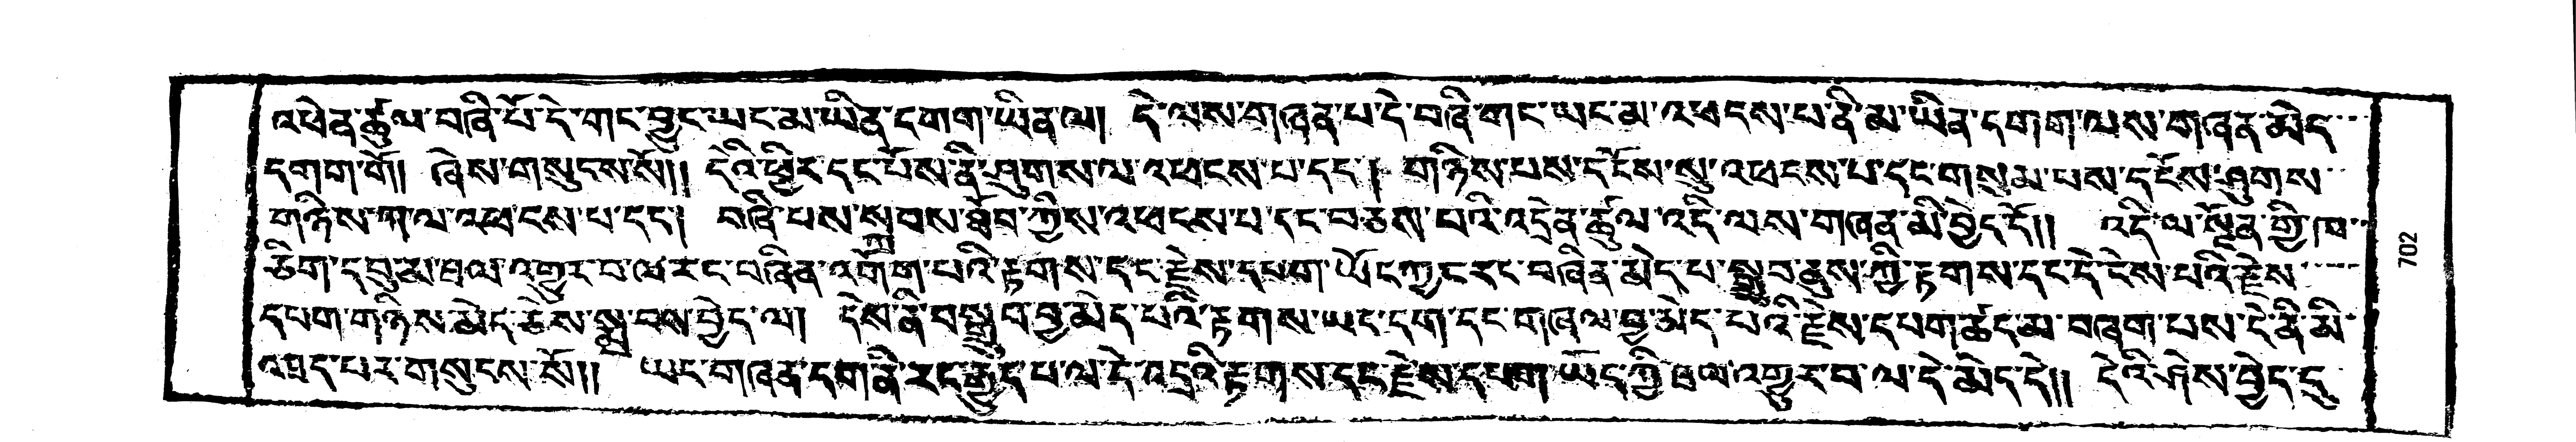འཕེན་ཚུལ་བཞི་པོ་དེ་གང་བྱུང་ཡང་མ་ཡིན་དགག་ཡིན་ལ། དེ་ལས་གཞན་པ་དེ་བཞི་གང་ཡང་མ་འཕངས་པ་ནི་མ་ཡིན་དགག་ལས་གཞན་མེད་
དགག་གོ། །ཞེས་གསུངས་སོ། །དེའི་ཕྱིར་དང་པོས་ནི་ཤུགས་ལ་འཕངས་པ་དང་། གཉིས་པས་དངོས་སུ་འཕངས་པ་དང་གསུམ་པས་དངོས་ཤུགས་
གཉིས་ཀ་ལ་འཕངས་པ་དང་། བཞི་པས་སྐབས་ཐོབ་ཀྱིས་འཕངས་པ་དང་བཅས་པའི་འདྲེན་ཚུལ་འདི་ལས་གཞན་མི་བྱེད་དོ། །འདི་ལ་སྔོན་གྱི་ཁ་
ཅིག་དབུ་མ་ཐལ་འགྱུར་བ་ལ་རང་བཞིན་འགོག་པའི་རྟགས་དང་རྗེས་དཔག་ཡོད་ཀྱང་རང་བཞིན་མེད་པ་སྒྲུབ་ནུས་ཀྱི་རྟགས་དང་དེ་ངེས་པའི་རྗེས་
དཔག་གཉིས་མེད་ཅེས་སྨྲ་བས་བྱེད་ལ། དེས་ནི་བསྒྲུབ་བྱ་མེད་པའི་རྟགས་ཡང་དག་དང་གཞན་བྱ་མེད་པའི་རྗེས་དཔག་ཚད་མ་བཞག་པས་དེ་ནི་མི་
འཐད་པར་གསུངས་སོ། །ཡང་གཞན་དག་ནི་རང་རྒྱུད་པ་ལ་དེ་འདྲའི་རྟགས་དང་རྗེས་དཔག་ཡོད་ཀྱི་ཐལ་འགྱུར་བ་ལ་དེ་མེད་དེ། །དེའི་ཤེས་བྱེད་དུ་